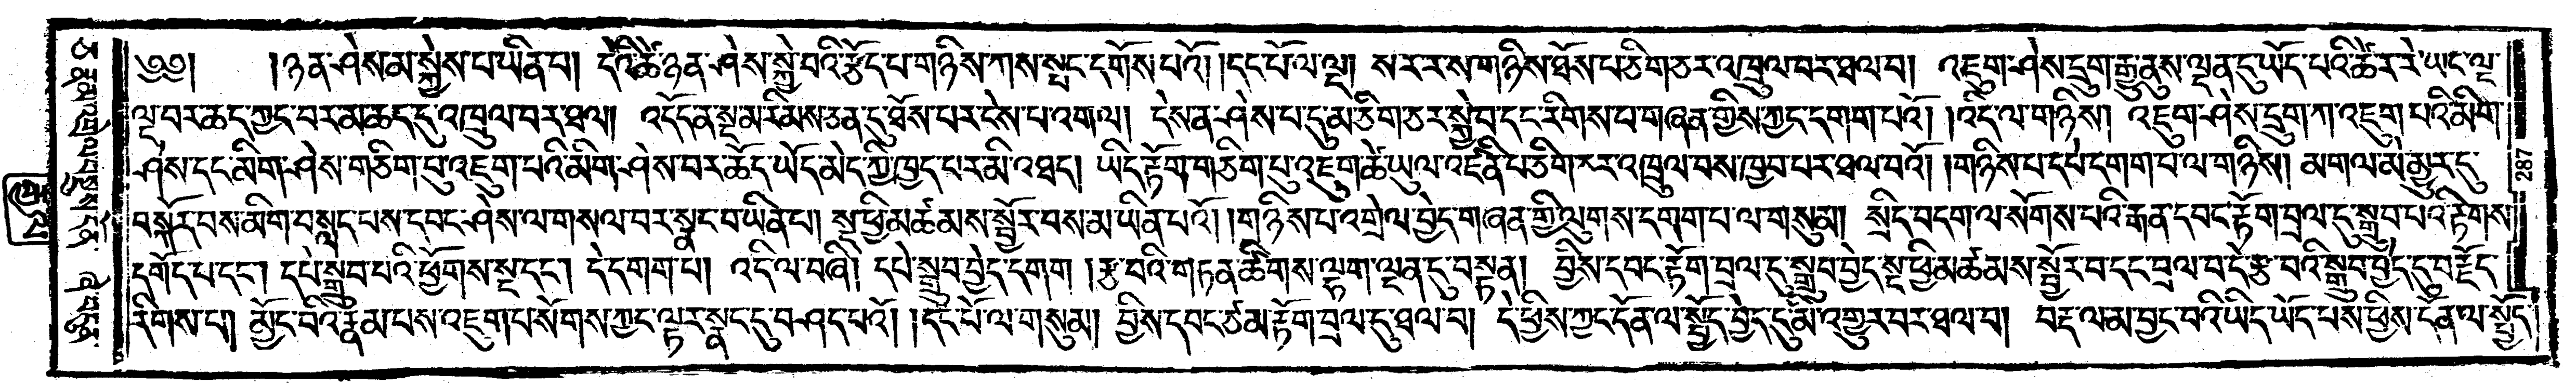༄༅། །ཉན་ཤེས་མ་སྐྱེས་པ་ཡིན་པ། དེའི་ཚེ་ཉན་ཤེས་སྐྱེ་བའི་རྩོད་པ་གཉིས་ཀས་སྤང་དགོས་པའོ། །དང་པོ་ལ་ལྔ། སར་རས་གཉིས་ཐོས་པ་ཅིག་ཅར་འཁྲུལ་པར་ཐལ་བ། འཇུག་ཤེས་དྲུག་རྒྱུ་ནུས་ལྡན་དུ་ཡོད་པའི་ཚེར་རེ་ཡང་ལྔ་
ལྔ་བར་ཆད་ཀྱང་བར་མ་ཆད་དུ་འཁྲུལ་བར་ཐལ། འདོད་ན་སྔ་མ་རིམས་ཅན་དུ་ཐོས་པར་ངེས་པ་འགལ། དེས་ན་ཤེས་པ་དུ་མ་ཅིག་ཅར་སྐྱེ་བ་དང་རིགས་པ་གཞན་གྱིས་ཀྱང་དགག་པའོ། །འདི་ལ་གཉིས། འཇུག་ཤེས་དྲུག་ཀ་འཇུག་པའི་མིག་
ཤེས་དང་མིག་ཤེས་གཅིག་པུ་འཇུག་པའི་མིག་ཤེས་པར་ཆོད་ཡོད་མེད་ཀྱི་ཁྱད་པར་མི་འཐད། ཡིད་རྟོག་གཅིག་པུ་འཇུག་ཚེ་ཡུལ་འཛིན་པ་ཅིག་ཅར་འཁྲུལ་བས་ཁྱབ་པར་ཐལ་བའོ། །གཉིས་པ་དཔེ་དགག་པ་ལ་གཉིས། མགལ་མེ་མྱུར་དུ་
བསྐོར་བས་མིག་བསླད་པས་དབང་ཤེས་ལ་གསལ་བར་སྣང་བ་ཡིན་པ། སྔ་ཕྱི་མཚམས་སྦྱོར་བས་མ་ཡིན་པའོ། །གཉིས་པ་འགྲེལ་བྱེད་གཞན་གྱི་ལུགས་དགག་པ་ལ་གསུམ། སྲིད་བདག་ལ་སོགས་པའི་རྒན་དབང་རྟོག་བྲལ་དུ་སྒྲུབ་པའི་རྟགས་
དགོད་པ་དང་། དཔེ་སྒྲུབ་པའི་ཕྱོགས་སྔ་དང་། དེ་དགག་པ། འདི་ལ་བཞི། དཔེ་སྒྲུབ་བྱེད་དགག །རྩ་བའི་གཏན་ཚིགས་ལྷག་ལྡན་དུ་བསྟན། བྱིས་དབང་རྟོག་བྲལ་དུ་སྒྲུབ་བྱེད་སྔ་ཕྱི་མཚམས་སྦྱོར་བ་དང་བྲལ་བ་དེ་རྩ་བའི་སྒྲུབ་བྱེད་དུ་བརྗོད་
རིགས་པ། མྱོང་བའི་རྣམ་པས་འཇུག་པ་སོགས་ཀྱང་ལྟར་སྣང་དུ་བཤད་པའོ། །དང་པོ་ལ་གསུམ། བྱིས་དབང་ཙམ་རྟོག་བྲལ་དུ་ཐལ་བ། དེ་ཕྱིས་ཀྱང་དོན་ལ་སྤྱོད་བྱེད་དུ་མི་འགྱུར་བར་ཐལ་བ། བརྡ་ལམ་བྱང་བའི་ཡིད་ཡོད་པས་ཕྱིས་དོན་ལ་སྤྱོད་